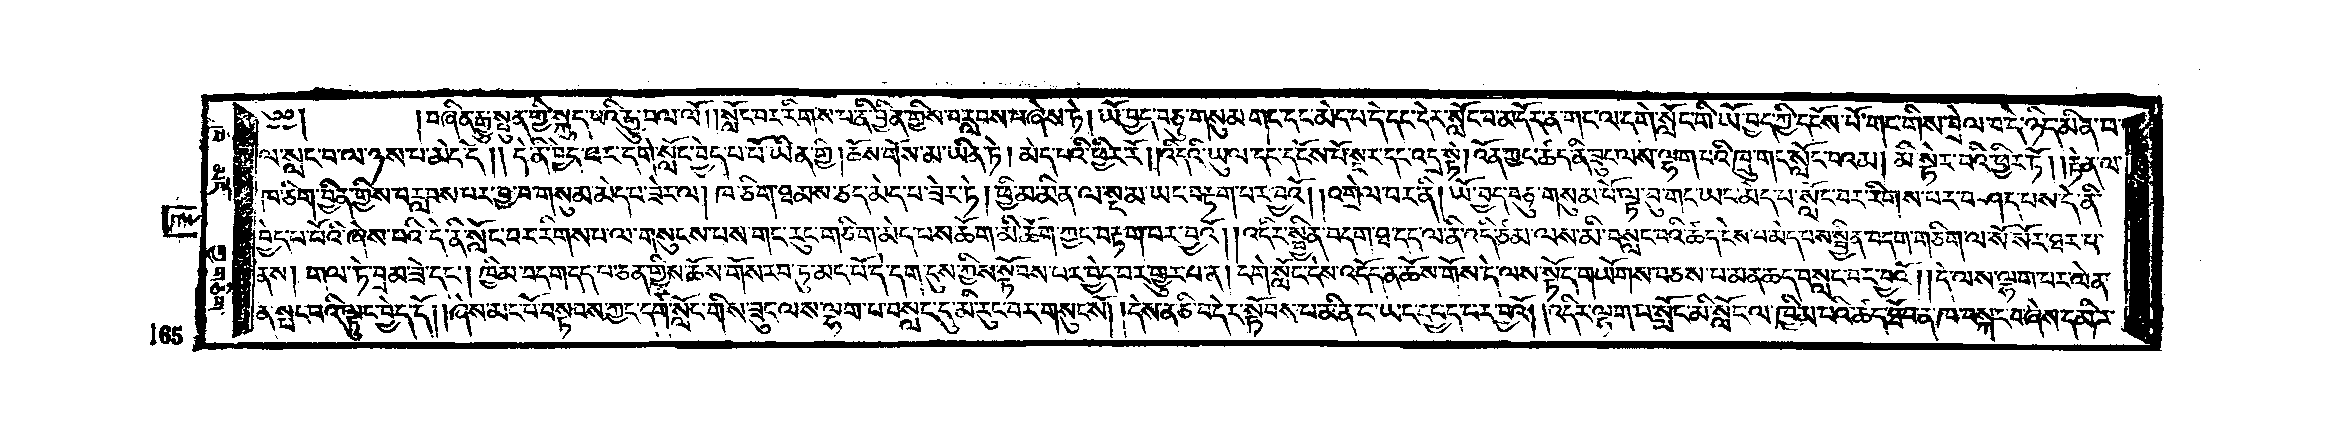༄༅། །བཞིན་རྒྱུ་སྤུན་གྱི་སྐུད་པའི་རྒྱུ་བལ་ལོ། །སློང་བར་རིགས་པ་ནི་བྱིན་གྱིས་བརླབས་པ་ཞེས་ཏེ། ཡོ་བྱད་བཅུ་གསུམ་གང་དང་མེད་པ་དེ་དང་དེར་སློང་བ་མདོར་ན་གང་ལ་དགེ་སློང་གི་ཡོ་བྱད་ཀྱི་དངོས་པོ་གང་གིས་བྲེལ་བ་དེ་ཉིད་མིན་པ་
ལ་སླང་བ་ལ་ཉས་པ་མེད་དེ། །དེ་ནི་བྱེད་པར་དགེ་སློང་བྱེད་པ་པོ་ཡིན་གྱི། ཆོས་གོས་མ་ཡིན་ཏེ། མེད་པའི་ཕྱིར་རོ། །འདིའི་ཡུལ་དང་དངོས་པོ་སྔར་དང་འདྲ་སྟེ། འོན་ཀྱང་ཚད་ནི་ཟུང་ལས་ལྷག་པའི་ཁྲུ་གང་སློང་བའམ། མི་སྟེར་བའི་ཕྱིར་ཏོ། །རྟེན་ལ་
ཁ་ཅིག་བྱིན་གྱིས་བརླབས་པར་བྱ་བ་གསུམ་མེད་པ་ཟེར་ལ། ཁ་ཅིག་ཐམས་ཅད་མེད་པ་ཟེར་ཏེ། ཕྱི་མ་མིན་ལ་སྔ་མ་ཡང་བརྟག་པར་བྱའོ། །འགྲེལ་པར་ནི། ཡོ་བྱད་བཅུ་གསུམ་པོ་ལྟ་བུ་གང་ཡང་མེད་པ་སློང་བར་རིགས་པར་བཤད་པས་དེ་ནི་
བྱེད་པ་པོའི་ཞེས་པའི་དེ་ནི་སློང་བར་རིགས་པ་ལ་གསུངས་པས་གང་རུང་གཅིག་མེད་པས་ཆོག་མི་ཆོག་ཀྱང་བརྟག་པར་བྱའོ། །འདིར་སྦྱིན་བདག་ཐ་དད་ལ་ནི་འདི་ཙམ་ལས་མི་བསླང་བའི་ཚད་ངེས་པ་མེད་པས་སྦྱིན་བདག་གཅིག་ལ་སོ་སོར་ཐར་པ་
ནས། གལ་ཏེ་བྲམ་ཟེ་དང་། ཁྱིམ་བདག་དད་པ་ཅན་གྱིས་ཆོས་གོས་རབ་ཏུ་མང་པོ་དེ་དག་དུས་ཀྱིས་སྟོབས་པར་བྱེད་པར་གྱུར་པ་ན། དགེ་སློང་དེས་འདོད་ན་ཆོས་གོས་དེ་ལས་སྟོད་གཡོགས་བཅས་པ་མན་ཆད་བསླང་བར་བྱའོ། །དེ་ལས་ལྷག་པར་ལེན་
ན་སྤང་བའི་ལྟུང་བྱེད་དོ། །ཞེས་མང་པོ་བསྟབས་ཀྱང་དགེ་སློང་གིས་ཟུང་ལས་ལྷག་པ་བསླང་དུ་མི་རུང་བར་གསུངས་སོ། །དེས་ན་ཅི་བདེར་སྟོབས་པ་མིན་པ་ཡང་དཔྱད་པར་བྱའོ། །འདིར་ལྷག་པ་སློང་མི་སློང་ལ་ཁྱིམ་པའི་ཚད་ཐོབ་ན་ཁ་བསྐང་བ་ཞེས་དམིགས་